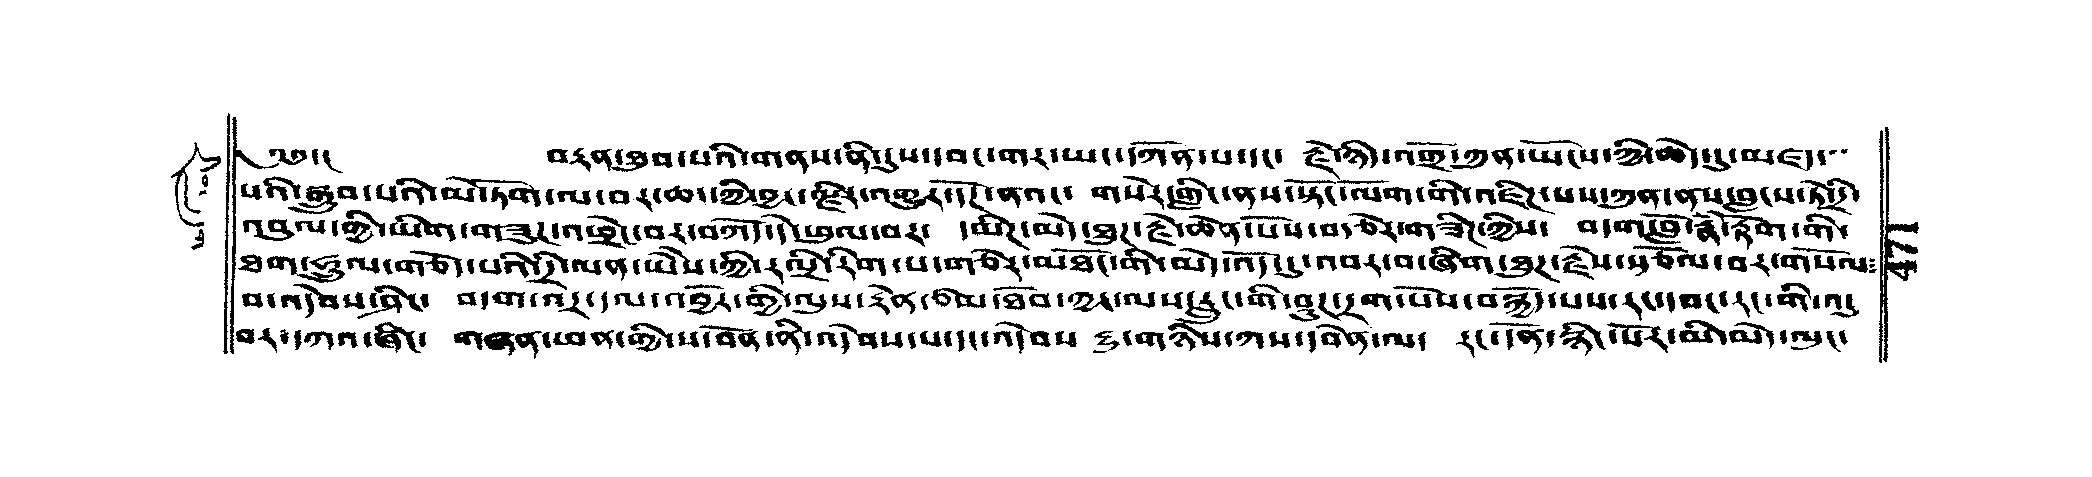བརྟན་ཐུབ་པའི་གནས་ནི་དུས་དབང་གར་ཡང་དཀོན་པ་དང་། རྗེ་ཉིད་འགྲོ་ཀུན་ཡོངས་ཀྱི་ཆེད་དུ་མཛད་
པའི་སྒྲུབ་པའི་མེ་ཏོག་ལ་བར་ཆད་ཀྱི་བྱང་ལྗིར་འགྱུར་དོགས་ནའང་། གསེར་གླིང་ནས་སྟོང་ལོག་གི་འཇིགས་པས་ཀུན་ནས་བླངས་ཏེ་དྲི་
འབུལ་གྱི་ཡིག་གཟུགས་འཕྲེང་བར་བཀོད་དེ་ཕུལ་བར། དམིགས་མེད་ཐུགས་རྗེ་ཆེན་པོས་བརྩེར་གཟིགས་ཀྱིས། བདག་བློ་རྣམ་རྟོག་གི་
ཐག་ཧྲུལ་གཅོད་པའི་དྲི་ལན་ཡེ་ཤེས་ཀྱི་རལ་གྲི་རིག་པ་གཅེར་མཐོང་གི་མེ་འོད་དུ་འབར་བ་ཞིག་ཐུགས་རྗེས་སྩོལ་བར་གསོལ་
བ་འདེབས་ཤིང་། བདག་འདྲ་དལ་འབྱོར་གྱི་ལུས་རྟེན་ཙམ་ཐོབ་ཀྱང་ལས་རླུང་གི་ཤུགས་དྲག་པོས་བསྐྱོད་པས་རང་དབང་རང་གི་འདུ་
བར་དཀའ་ཞིང་།གཞན་ཕན་གྱི་ས་བོན་ནི་འདེབས་པ་དང་འདེབས་རྒྱུ་གཉིས་ཀ་དབེན་ལ། རང་དོན་སྙིང་པོར་མི་མེད་ལུང་